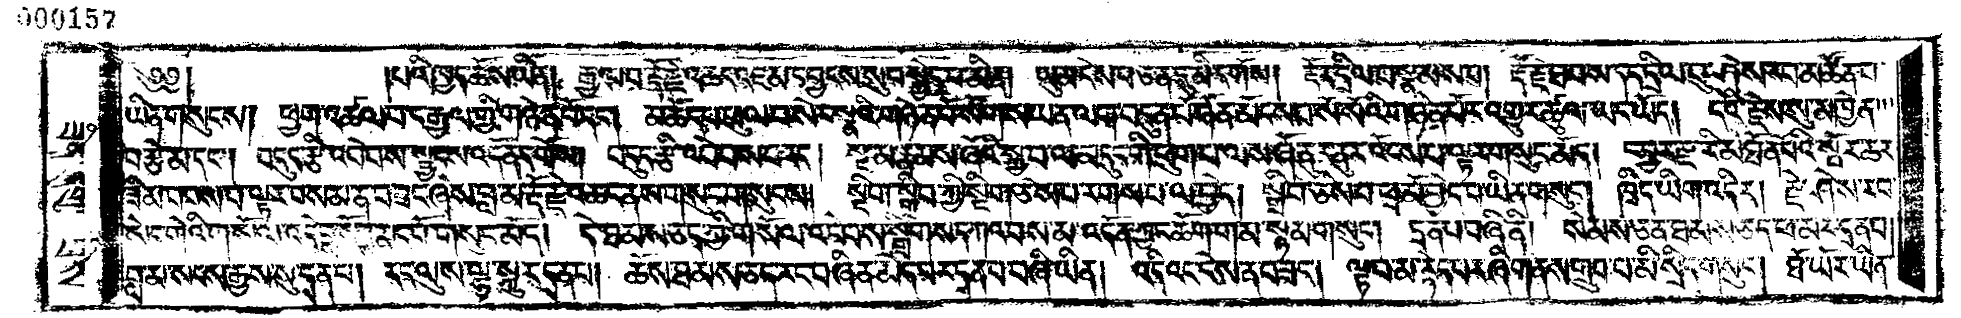༄༅། །པའི་ཁྱད་ཆོས་ཡིན། རྒྱལ་བ་རྡོ་རྗེ་འཆང་འཇམ་དབྱངས་སུ་བསྐྱེད་བ་མིན། ཡུམ་ངེས་པ་ཅན་དུ་མི་དགོས། རྡོར་དྲིལ་བསྣམས་པ། རྡོ་རྗེ་ཐབས་དང་དྲིལ་བུ་ཤེས་རབ་མཚོན་པ་
ཡིན་གསུངས། ཕྱག་འཚལ་བ་ང་རྒྱལ་གྱི་གཉེན་པོ་དང་། མཆོད་པ་ཕུལ་བ་སེར་སྣའི་གཉེན་པོ་སོགས་ཡན་ལག་བདུན་པོ་ཉོན་མོངས་པ་སོ་སོའི་གཉེན་པོར་འགྱུར་ཚུལ་ཡང་ཡོད། དེའི་རྗེས་སུ་མཁྱེན་
བརྩེ་མ་དང་། བདུད་རྩི་འབེབས་སྦྱངས་འདོན་དགོས། བདུད་རྩི་འབེབས་པའང་། སྔ་མ་རྣམས་ཞོའི་སྐྱ་བ་ལ་མདུང་གི་ཕུག་པ་ལས་ཞོ་ནུར་ནུར་འོངས་པ་ལྟར་གསུང་མོད། དབྱར་རྫ་རི་མོ་ཐོན་པའི་སྤོར་ཆར་
ཟིམ་བབས་པ་ལྟར་བསམ་ན་བཟང་ཞེས་བླ་མ་རྡོ་རྗེ་འཆང་ནས་གསུང་གསུངས། སྡིག་སྒྲིབ་ཀྱི་སྡིག་ཅེས་པ་རགས་པ་ལ་བྱེད། སྒྲིབ་ཅེས་པ་ཕྲ་མོ་བྱེད་པ་ཡིན་གསུང་། ཁྲིད་ཡིག་འདིར། རྫེ་ཤེས་རབ་
སེང་གེའི་གསོལ་འདེབས་སོགས་མང་པོ་གསུང་མོད། དེ་ཐམས་ཅད་ཀྱི་གསོལ་འདེབས་སྒྲིགས་དཀའ་བས་མ་འདོན་ཀྱང་ཆོག་གམ་སྙམ་གསུང་། དྲན་པ་བཞི་ནི། སེམས་ཅན་ཐམས་ཅད་ཕ་མར་དྲན་པ།
བླ་མ་སངས་རྒྱས་སུ་དྲན་པ། རང་ལུས་ལྷ་སྐུར་དྲན་པ། ཆོས་ཐམས་ཅད་རང་བཞིན་མེད་པར་དྲན་པ་བཞི་ཡིན། འདིའང་ངེས་ན་བཟང་། ལྟ་བ་མ་རྙེད་པར་ཞིག་ནས་གྲུབ་པ་མི་སྲིད་གསུང་། ཐོ་ཡོར་ཡིན་